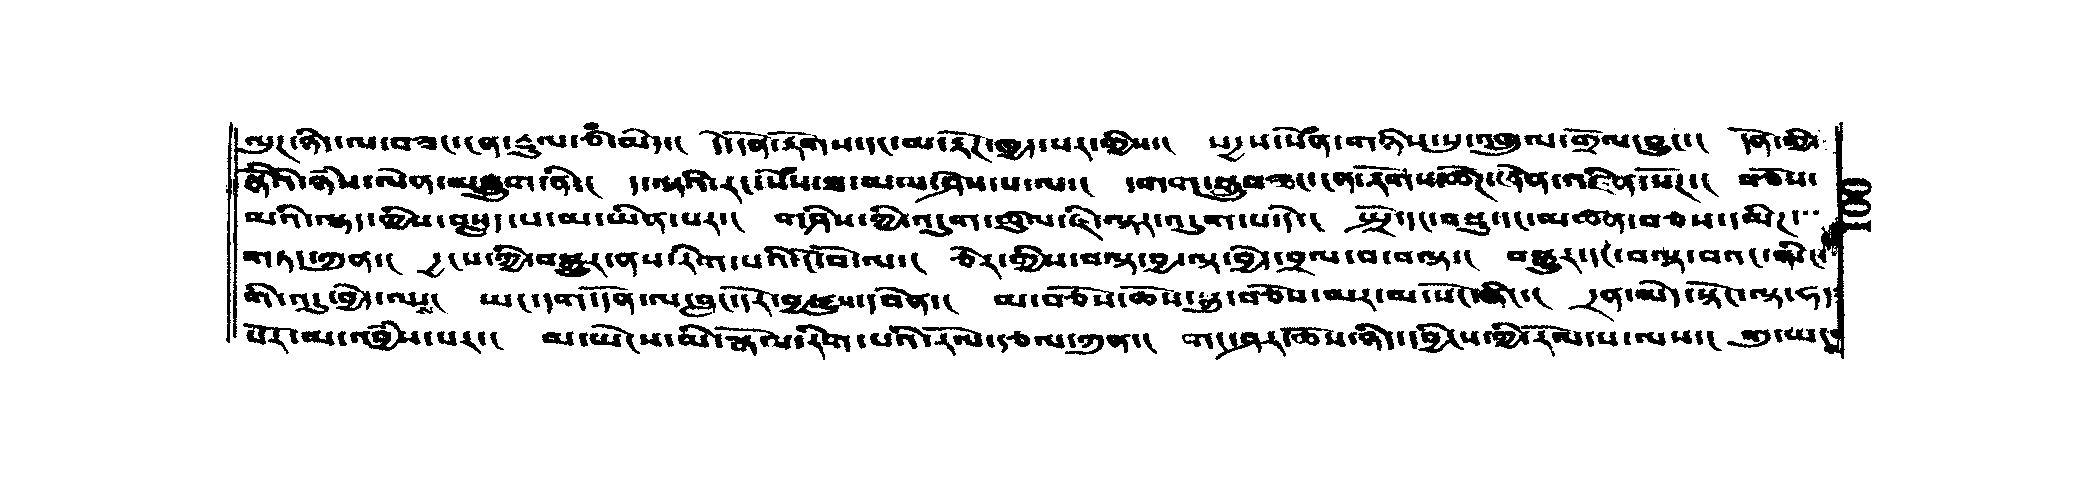ལུགས་ཉིད་ལ་བཟང་ངན་རྡུལ་ཙམ་མེད། །དེ་དོན་རྟོགས་དང་མ་རྟོགས་ཁྱད་པར་གྱིས། །སངས་རྒྱས་སེམས་ཅན་གཉིས་སུ་འཁྲུལ་གྲོལ་བྱུང་། །དོན་གྱི་
སྙིང་པོའི་ཉམས་ལེན་མཐར་ཐུག་ནི། །ད་ལྟའི་རང་སེམས་ཐ་མལ་ཤེས་པ་ལ། དགག་སྒྲུབ་བཟང་ངན་རྟོག་ཚོགས་ཞེནའཛིན་སོགས། །བཅོས་
མའི་ལྷད་ཀྱིས་བསླད་པ་མ་ཡིན་པར། །གཤིས་ཀྱི་འདུག་ཚུལ་ཇི་ལྟར་འདུ་པ་དེ། །སྤྲོ་དང་བསྡུ་དང་མཚན་བཅས་དམིགས་
གཏད་ཀུན། །རྒྱངས་ཀྱི་བསྐྱུར་ནས་རིག་པའི་ངོ་བོ་ལ། །ཅེར་གྱིས་བལྟ་བྱ་ལྟ་བྱེད་བྲལ་བར་བལྟ། །བསྐྱུར་དང་བལྟ་བའང་མིང་
གི་འདུ་བྱེད་ལས། །ཡང་དག་དོན་ལ་བླང་དོར་བྱ་རྒྱུས་དབེན། །མ་བཅོས་ཆོས་སྐུ་བཅོམ་མར་མ་སོང་ཞིང་། །དྲན་མེད་སྟོང་ལྟ་ཧད་
པོར་མ་འབྱམས་པར། །མ་ཡེངས་མི་སྒོམ་རིག་པའི་རོལ་རྩལ་ཀུན། །གང་ཤར་ཆོས་ཉིད་དབྱིངས་ཀྱི་རོལ་པ་ལས། །གུ་ཡངས་